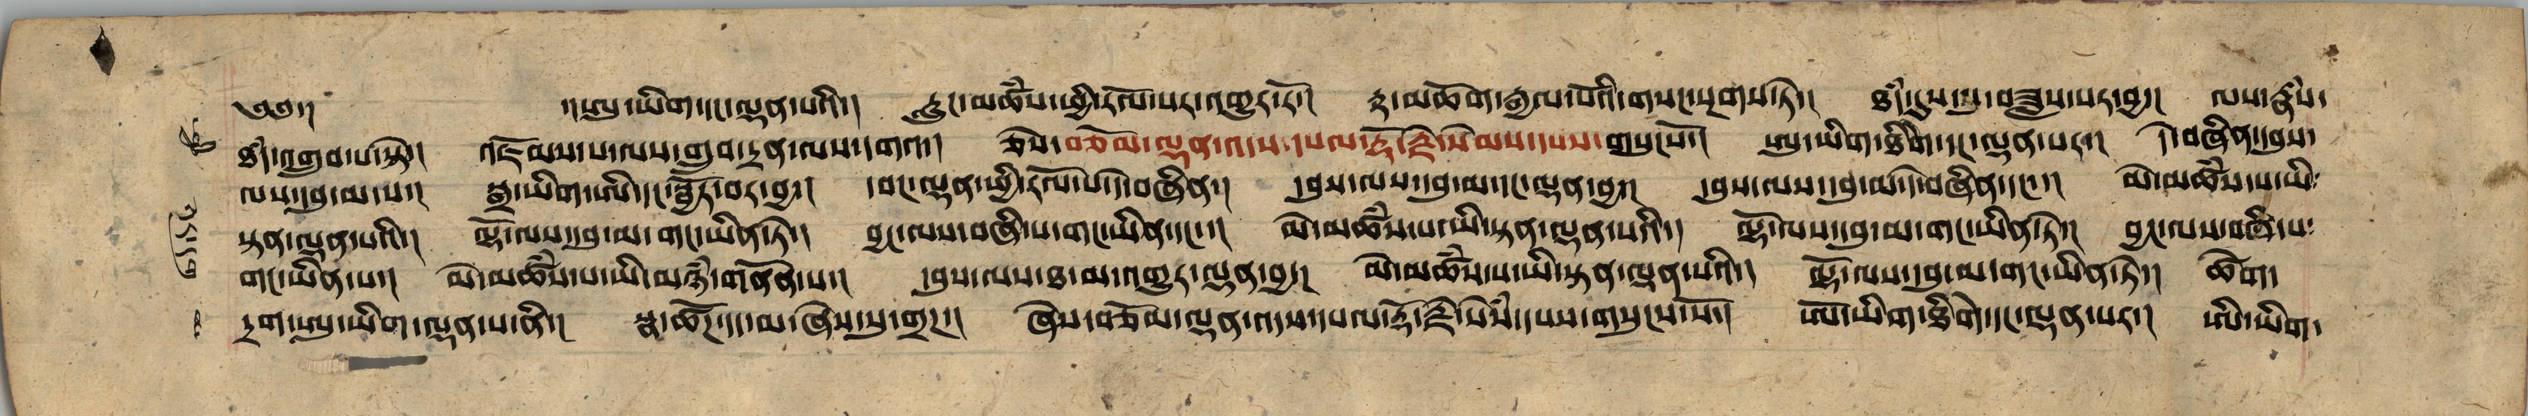༄༅་། ་།ཨུ་ཡིག་དང་ལྡན་པའི་། རླུང་མཚཾས་ཕྱི་རོལ་པར་འགྱུར་རོ་། རྟ་མཆོག་རྒྱལ་པོའི་གསང་སྔགས་ཏེ་། ཐདཾ་དུས་སུ་བཟླས་པར་བྱ་། ལས་རྣཾས་
ཐདཾ་འགྲུབ་པ་སྟེ་། འཇོམས་པ་ལས་གྲུབ་དྲན་ལས་དགའ་། ཅེས་བཅོམ་ལྡན་འདས་དཔལ་རྡོ་རྗེ་སེམས་དཔས་གསུངསོ་། ཨུ་ཡིག་ཐིེག་དང་ལྡན་པར་། དེ་བཞིན་དབུས་
ལས་དབུ་མ་པ་། སྒྲ་ཡིག་ཨི་དང་སྦྱོར་བར་བྱ་། དབང་ལྡན་ཕྱི་རོལ་པ་དེ་བཞིན་། དབུས་ལས་དབུ་མ་དང་ལྡན་བྱ་། དབུས་ལས་དབུ་མ་དེ་བཞིན་དང་་། མེ་མཚཾས་པ་ཡི་
སྟན་ལྡན་པའི་། ལྷོ་ལས་དབུ་མ་གང་ཡིན་ཏེ་། བྱང་ལས་བཞི་པ་གང་ཡིན་དང་་། མེ་མཚཾས་པ་ཡི་སྟན་ལྡན་པའི་། ལྷོ་ལས་དབུ་མ་གང་ཡིན་ཏེ་། བྱང་ལས་བཞི་པ་
གང་ཡིན་པ་། མེ་མཚཾས་པ་ཡི་མཉཾ་གནོན་པ་། དབུས་ལས་ཐ་མ་འགྱུར་ལྡན་བྱ་། མེ་མཚཾས་པ་ཡི་སྟན་ལྡན་པའི་། ལྷོ་ལས་དབུ་མ་གང་ཡིན་ཏེ་། ཚེག་
དྲག་ཨུ་ཡིག་ལྡན་པ་ནི་། སྣ་ཚོཌ་དད་མ་ཞེས་སུ་གྲཌ་། ཞེས་བཅོམ་ལྡན་འདས་དཔལ་རྡོ་རྗེ་སེཾས་དཔས་གསུངས་སོ་། ཨོ་ཡིག་ཐིགེ་དང་ལྡན་པར་། ཨི་ཡིག་